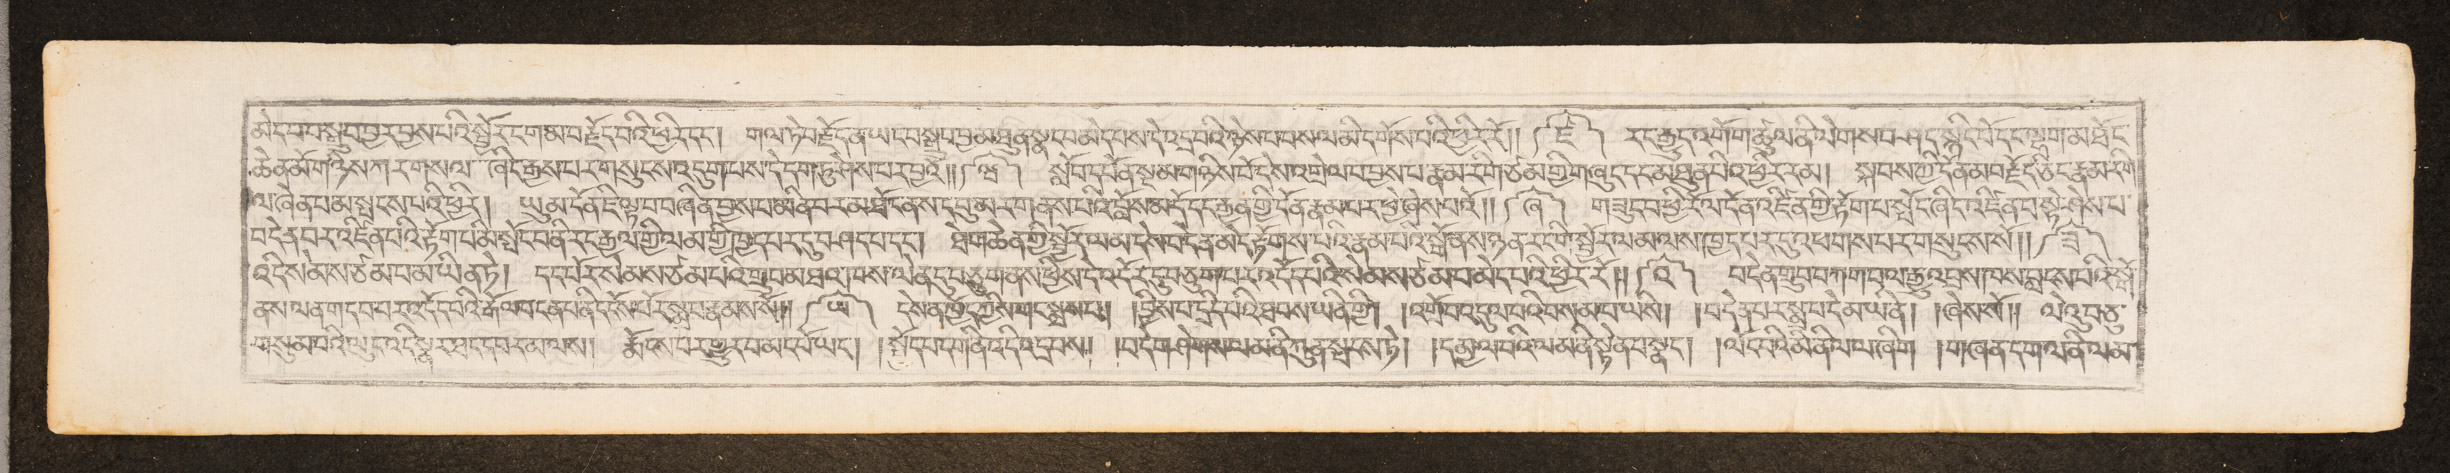མེད་པ་བསྒྲུབ་བྱར་བྱས་པའི་སྦྱོར་ངག་མ་བརྗོད་པའི་ཕྱིར་དང་། གལ་ཏེ་བརྗོད་ན་ཡང་བསྒྲུབ་བྱ་མཐུན་སྣང་བ་མེད་པས་དེ་འདྲ་བའི་ཉེས་པ་བསལ་མི་དགོས་པའི་ཕྱིར་རོ།། ༼ཛ༽ རང་རྒྱུད་འགོག་ཚུལ་ནི་ལེགས་བཤད་སྙིང་པོ་དང་ལྷག་མཐོང་
ཆེན་མོ་གཉིས་ཀར་གསལ་ཞིང་རྒྱས་པར་གསུངས་འདུག་པས་དེ་དག་ཏུ་ཤེས་པར་བྱའོ།། ༼ཝ༽ སློབ་དཔོན་སྔ་མ་གཉིས་པོ་དེས་འགྲེལ་བ་བྱས་པ་རྣམ་རིག་ཙམ་གྱི་གཞུང་དང་མཐུན་པའི་ཕྱིར་རམ། སྐབས་ཀྱི་དོན་མ་བརྗོད་ཅིང་རྣམ་རིག་
ལ་ཞེན་པ་མ་སྤངས་པའི་ཕྱིར། ཡུམ་དོན་ཇི་ལྟ་བ་བཞིན་བྱས་པ་མིན་པར་མཐོང་ནས་དབུ་མར་གནས་པའི་བློས་མདོ་དང་རྒྱན་གྱི་དོན་རྣམ་པར་ཕྱེ་ཞེས་པའོ།། ༼ཞ༽ གཟུང་བ་ཕྱི་རོལ་དོན་འཛིན་གྱི་རྟོག་པ་སྤོང་ཞིང་འཛིན་པ་སྟེ་ཤེས་པ་
བདེན་པར་འཛིན་པའི་རྟོག་པ་མི་སྤོང་བ་ནི་རང་རྒྱལ་གྱི་ལམ་གྱི་ཁྱད་པར་དུ་བཤད་པ་དང་། ཐེག་ཆེན་གྱི་སྦྱོར་ལམ་དེས་བདེན་མེད་རྟོགས་པའི་རྣམ་པའི་སྒོ་ནས་ཉན་རང་གི་སྦྱོར་ལམ་ལས་ཁྱད་པར་དུ་འཕགས་པར་གསུངས་སོ།། ༼༽ཟ༼༽
འདི་སེམས་ཙམ་པ་མ་ཡིན་ཏ།ཨེ་དང་པོར་སེམས་ཙམ་པའི་གྲུབ་མཐའ་ཁས་ལེན་དུ་བཅུག་ནས་ཕྱིས་དེ་འདིར་དུ་བཅུག་པར་འདོད་པའི་སེམས་ཙམ་པ་མེད་པའི་ཕྱིར་རོ།། ༼༽འ༼༽ བདེ་གྲུབ་བཀག་པ་ལ་རྒྱུ་འབྲས་ཁས་བླངས་པའི་སྒོ་
ནས་ལན་གདབ་པར་འདོད་པའི་རྒོལ་བ་ངན་པ་ནི་དངོས་པོར་སྨྲ་བ་རྣམས་སོ།། ༼ཡ༽ དེས་ན་ཁྱོད་ཀྱིས་གང་སྨྲས་པ། །བྱིས་པ་དྲིད་པའི་ཐབས་ཡིན་གྱི། །འགྲོ་བ་འདུལ་བའི་བསམ་པ་ཡིས། །བདེན་པར་སྨྲ་བདེ་མ་ཡིན། །ཞེས་སོ།། ལེའུ་བཅུ་
གསུམ་པའི་ལུང་འདི་སྣར་ཐད་དཔར་མ་ལས། རྨོངས་པར་གྱུར་བ་མང་པོ་ཡང་། །སྤྱོད་པ་དག་ནི་འདི་འདྲ་བས། །བདེ་གཤེགས་ལམ་ནི་ཀུན་སྤངས་ཏེ། །དམྱལ་བའི་ལམ་ནི་སྟེན་པ་སྣང་། །ལོང་བའི་མི་ནི་ལ་ལ་ཞིག །གཞན་དག་ལ་ནི་ལམ་